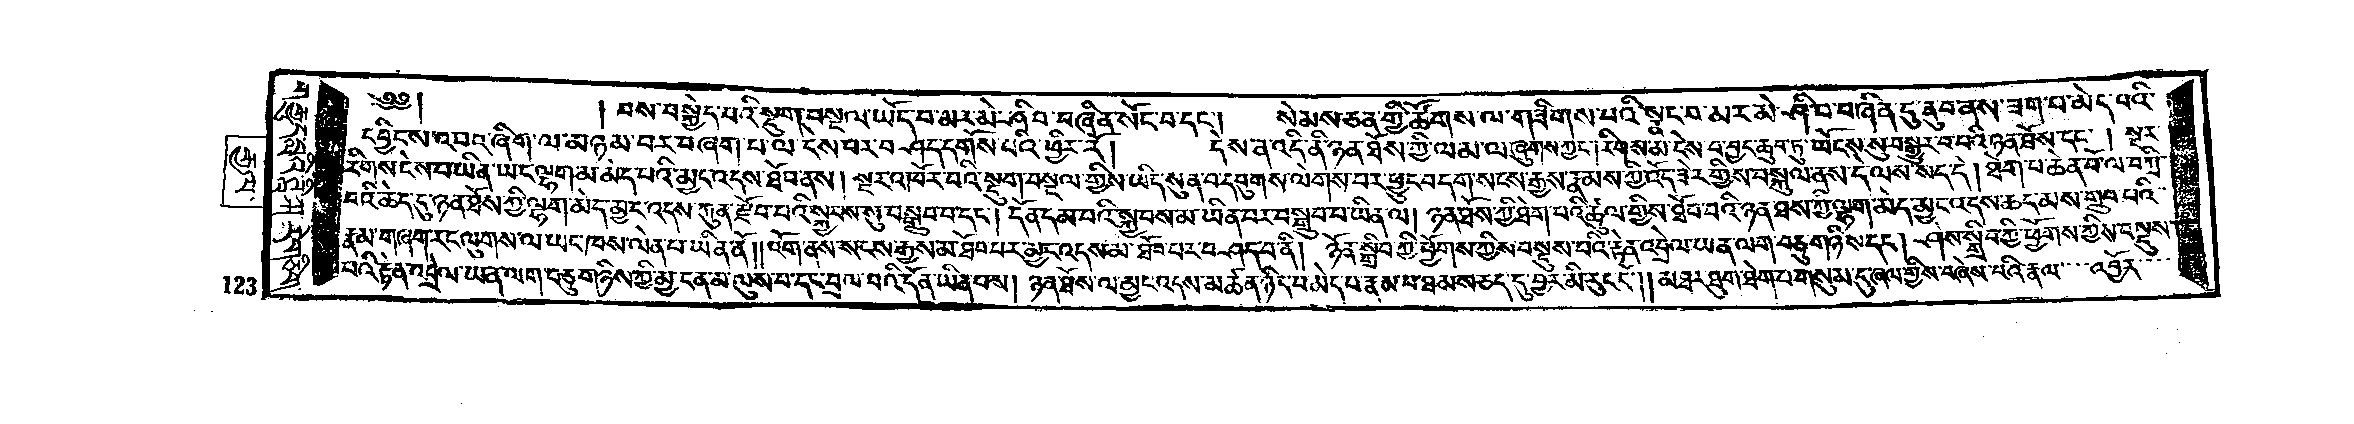༄༅། །བས་བསྐྱེད་པའི་སྡུག་བསྔལ་ཡོད་པ་མར་མེ་ཤི་བ་བཞིན་སོང་བ་དང་། སེམས་ཅན་གྱི་ཚོགས་ལ་གཟིགས་པའི་སྣང་བ་མར་མེ་ཤི་བ་བཞིན་དུ་ནུབ་ནས་ཟག་པ་མེད་པའི་
དབྱིངས་འབའ་ཞིག་ལ་མཉམ་པར་བཞག་པ་ལ་ངེས་པར་བཤད་དགོས་པའི་ཕྱིར་རོ། །དེས་ན་འདི་ནི་ཉན་ཐོས་ཀྱི་ལམ་ལ་ཞུགས་ཀྱང་། རིགས་མ་ངེས་པ་བྱང་ཆུབ་ཏུ་ཡོངས་སུ་བསྒྱུར་བ་པའི་ཉན་ཐོས་དང་། སྔར་
རིགས་ངེས་པ་ཡིན་ཡང་ལྷག་མ་མེད་པའི་མྱང་འདས་ཐོབ་ནས། སྔར་འཁོར་བའི་སྡུག་བསྔལ་གྱིས་ཡིད་སུན་བ་དབུགས་ལེགས་པར་ཕྱུང་བདག་སངས་རྒྱས་རྣམས་ཀྱི་འོད་ཟེར་གྱིས་བསྐུལ་ནས་དེ་ལས་སད་དེ། ཐེག་པ་ཆེན་པོ་ལ་བཀྲི་
བའི་ཆེད་དུ་ཉན་ཐོས་ཀྱི་ལྷག་མེད་མྱང་འདས་ཀུན་རྫོབ་པའི་སྐྱབས་སུ་བསྒྲུབ་པ་དང་། དོན་དམ་པའི་སྐྱབས་མ་ཡིན་པར་བསྒྲུབ་པ་ཡིན་ལ། ཉན་ཐོས་ཀྱི་ཐེག་པའི་ཚུལ་གྱིས་ཐོབ་པའི་ཉན་ཐོས་ཀྱི་ལྷག་མེད་མྱང་འདས་ཚད་མས་གྲུབ་པའི་
རྣམ་གཞག་རང་ལུགས་ལ་ཡང་ཁས་ལེན་པ་ཡིན་ནོ། །འོག་ནས་སངས་རྒྱས་མ་ཐོབ་པར་མྱང་འདས་མ་ཐོབ་པར་བཤད་པ་ནི། ཉོན་སྒྲིབ་ཀྱི་ཕྱོགས་ཀྱིས་བསྡུས་པའི་རྟེན་འབྲེལ་ཡན་ལག་བཅུ་གཉིས་དང་། ཤེས་སྒྲིབ་ཀྱི་ཕྱོགས་ཀྱིས་བསྡུས་
པའི་རྟེན་འབྲེལ་ཡན་ལག་བཅུ་གཉིས་ཀྱི་མྱ་ངན་མ་ལུས་པ་དང་བྲལ་བའི་དོན་ཡིན་པས། ཉན་ཐོས་ལ་མྱང་འདས་མཚན་ཉིད་པ་མེད་པ་རྣམ་པ་ཐམས་ཅད་དུ་བྱར་མི་རུང་ངོ། །མཐར་ཐུག་ཐེག་པ་གསུམ་དུ་ཞལ་གྱིས་བཞེས་པའི་རྣལ་འབྱོར་